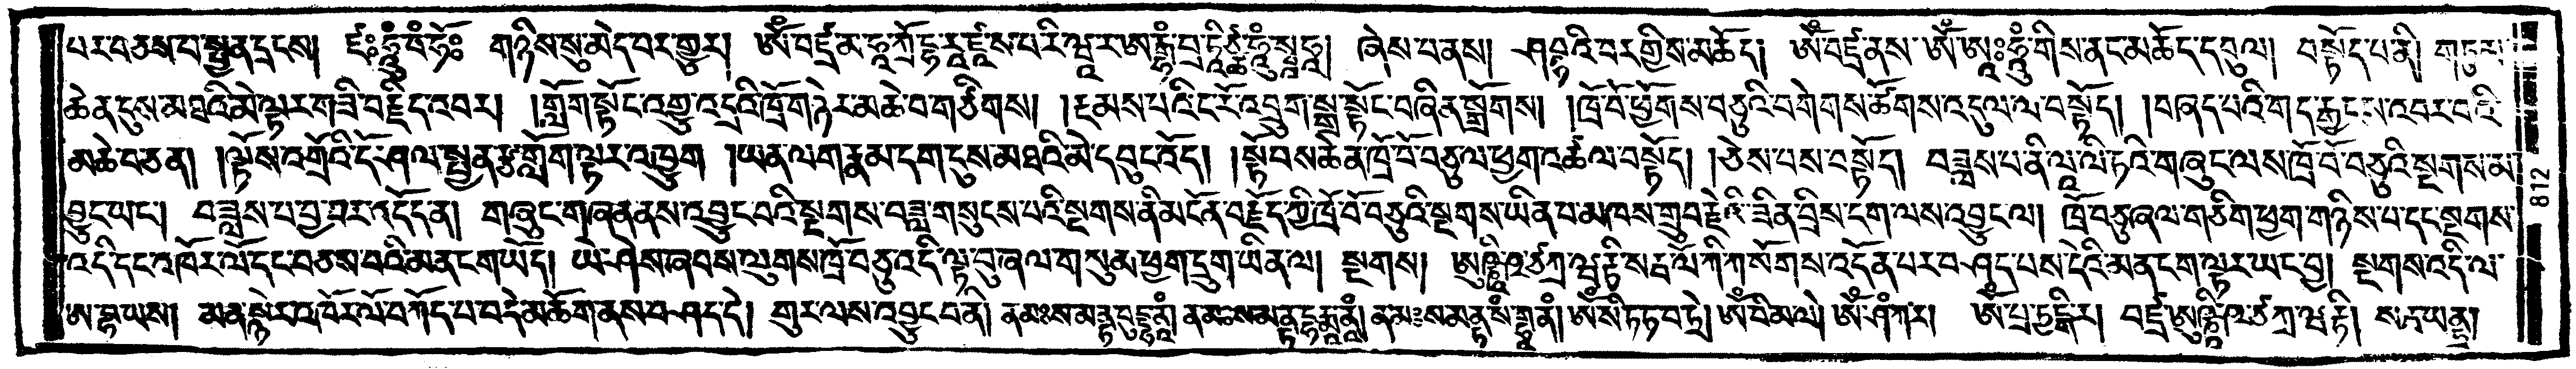པར་བཅས་པ་སྤྱན་དྲངས། ཛཿ ཧཱུཾ་པཾ་ཧོཿ གཉིས་སུ་མེད་པར་གྱུར། ཨོཾ་བཛྲ་མ་ཧཱ་ཀྲོ་དྷ་རཱ་ཛཱ་ས་པ་རི་ཝཱ་ར་ཨརྒྷཾ་པྲ་ཏཱི་ཙྪ་ཧཱུཾ་སྭཱཧཱ། ཞེས་པ་ནས། ཤཔྟའི་བར་གྱིས་མཆོད། ཨོཾ་བཛྲ་ནས་ཨོཾ་ཨཱཿ ཧཱུཾ་གིས་ནང་མཆོད་དབུལ། བསྟོད་པ་ནི། གཏུམ་
ཆེན་དུས་མཐའི་མེ་ལྟར་གཟི་བརྗིད་འབར། །གློག་སྟོང་འགྱུ་འདྲའི་ཁྲོ་གཉེར་མཆེ་བ་གཙིགས། །རྔམས་པའི་ང་རོ་འབྲུག་སྒྲ་སྟོང་བཞིན་སྒྲོགས། །ཁྲོ་བོ་ཕྱོགས་བཅུའི་བགེགས་ཚོགས་འདུལ་ལ་བསྟོད། །བཞད་པའི་གད་རྒྱངས་འབར་བའི་
མཆེ་བ་ཅན། །ལྟོས་འགྲོའི་དོ་ཤལ་སྤྱན་རྩ་གློག་ལྟར་འཁྱུག །ཡན་ལག་རྣམ་དག་དུས་མཐའི་མེད་དཔུང་འོད། །སྟོབས་ཆེན་ཁྲོ་བོ་བཅུ་ལ་ཕྱག་འཚལ་བསྟོད། །ཅེས་པས་བསྟོད། བཟླས་པ་ནི་ལཱ་ལི་ཏའི་གཞུང་ལས་ཁྲོ་བོ་བཅུའི་སྔགས་མ་
བྱུང་ཡང་། བཟླས་པ་བྱ་བར་འདོད་ན། གཞུང་གཞན་ནས་འབྱུང་བའི་སྔགས་བཟླ་གསུངས་པའི་སྔགས་ནི་མངོན་བརྗོད་ཀྱི་ཁྲོ་བོ་བཅུའི་སྔགས་ཡིན་པ་མཁས་གྲུབ་རྗེའི་ཟིན་བྲིས་ངག་ལས་འབྱུང་ལ། ཁྲོ་བཅུ་ཞལ་གཅིག་ཕྱག་གཉིས་པ་དང་སྔགས་
འདི་དང་འཁོར་ལོ་དང་བཅས་པའི་མན་ངག་ཡོད། ཡེ་ཤེས་ཞབས་ལུགས་ཁྲོ་བཅུ་འདི་ལྟ་བུ་ཞལ་གསུམ་ཕྱག་དྲུག་ཡིན་ལ། སྔགས། ཨུཥྞཱི་ཥ་ཙཀྲ་ཝ་རྟི་སརྦ་ལོ་ཀི་ཀ་སོགས་འདོན་པར་བཤད་པས་དེའི་མན་ངག་ལྟར་ཡང་བྱ། སྔགས་འདི་ལ་
ཨ་བྷ་ཡས། མན་སྙེར་འཁོར་ལོ་བཀོད་པ་བདེ་མཆོག་ནས་བཤད་དེ། གུར་ལས་འབྱུང་བ་ནི། ན་མཿ སམནྟ་བུདྡྷ་ནཱཾ། ན་མཿ ས་མ་ནྟ་དྷརྨཱ་ནཱཾ། ན་མཿ ས་མནྟ་སཾ་གྷཱ་ནཾ། ཨོཾ་སི་ཏ་ཏ་པ་ཏྲེ། ཨོཾ་བི་མ་ལེ། ཨོཾ་ཤཾ་ཀར། ཨོཾ་པྲ་ཏྱ་དགི་ར། བཛྲ་ཨུཥྞཱིཿ ཥ་ཙ་ཀྲ་ཝ་རྟི། སར་ཡནྟ།